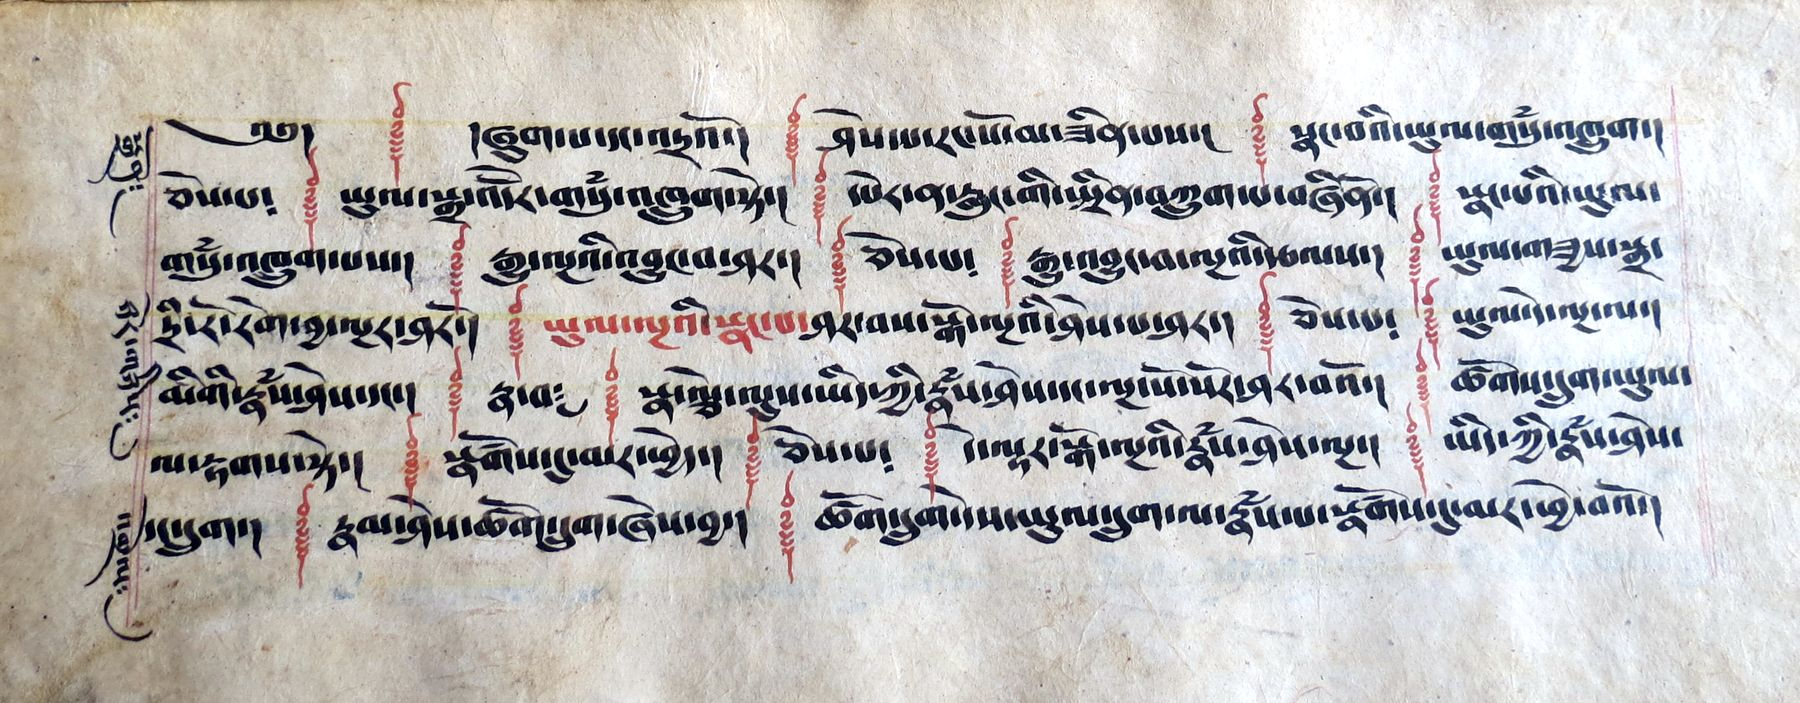ཞུགས་པ་དང་འདྲའོ། །ཤེས་པ་རང་སོ་མ་ཟིན་པས། སྣང་བའི་ཡུལ་གསུམ་འཁྲུགས། །
ཞེས་པས། ཡུལ་སྒྲ་འོད་ཟེར་གསུམ་འཁྲུག་སྟེ། དཔེར་ན་རླུང་གིས་སྤྲིན་དཀྲུགས་པ་བཞིན་ནོ། །སྣང་བའི་ཡུལ་
གསུམ་འཁྲུགས་པས། རྒྱུ་ལྔའི་འབྱུང་བ་ཤར། ཅེས་པས། རྒྱུ་འབྱུང་བ་ལྔའི་རྩལ་ལས། ཡུལ་གཟུགས་སྒྲ་
དྲི་རོ་རེག་བྱ་ལྔ་ཤར་རོ། །ཡུལ་ལྔའི་སྣང་བ་ཤར་བས་སྒོ་ལྔའི་ཤེས་པ་ཤར། །ཅེས་པས། ཡུལ་དེ་ལྔ་ལ། 
མིག་གི་རྣམ་ཤེས་དང་། རྣ་བ། སྣ་ལྕེ་ལུས་ཡིད་ཀྱི་རྣམ་ཤེས་དང་ལྔ་སོ་སོར་ཤར་བའོ། །ཚོགས་དྲུག་ཡུལ་
ལ་བརྟགས་ཏེ། སྣ་ཚོགས་དུ་མར་ཕྱེ། ཞེས་པས། དེ་ལྟར་སྒོ་ལྔའི་རྣམ་ཤེས་ལྔ། ཡིད་ཀྱི་རྣམ་ཤེས་
དང་དྲུག རྣམ་ཤེས་ཚོགས་དྲུག་ཅེས་བྱ། ཚོགས་དྲུག་དེས་ཡུལ་དྲུག་ལ་རྣམ་པ་སྣ་ཚོགས་དུ་མར་ཕྱེའོ། །